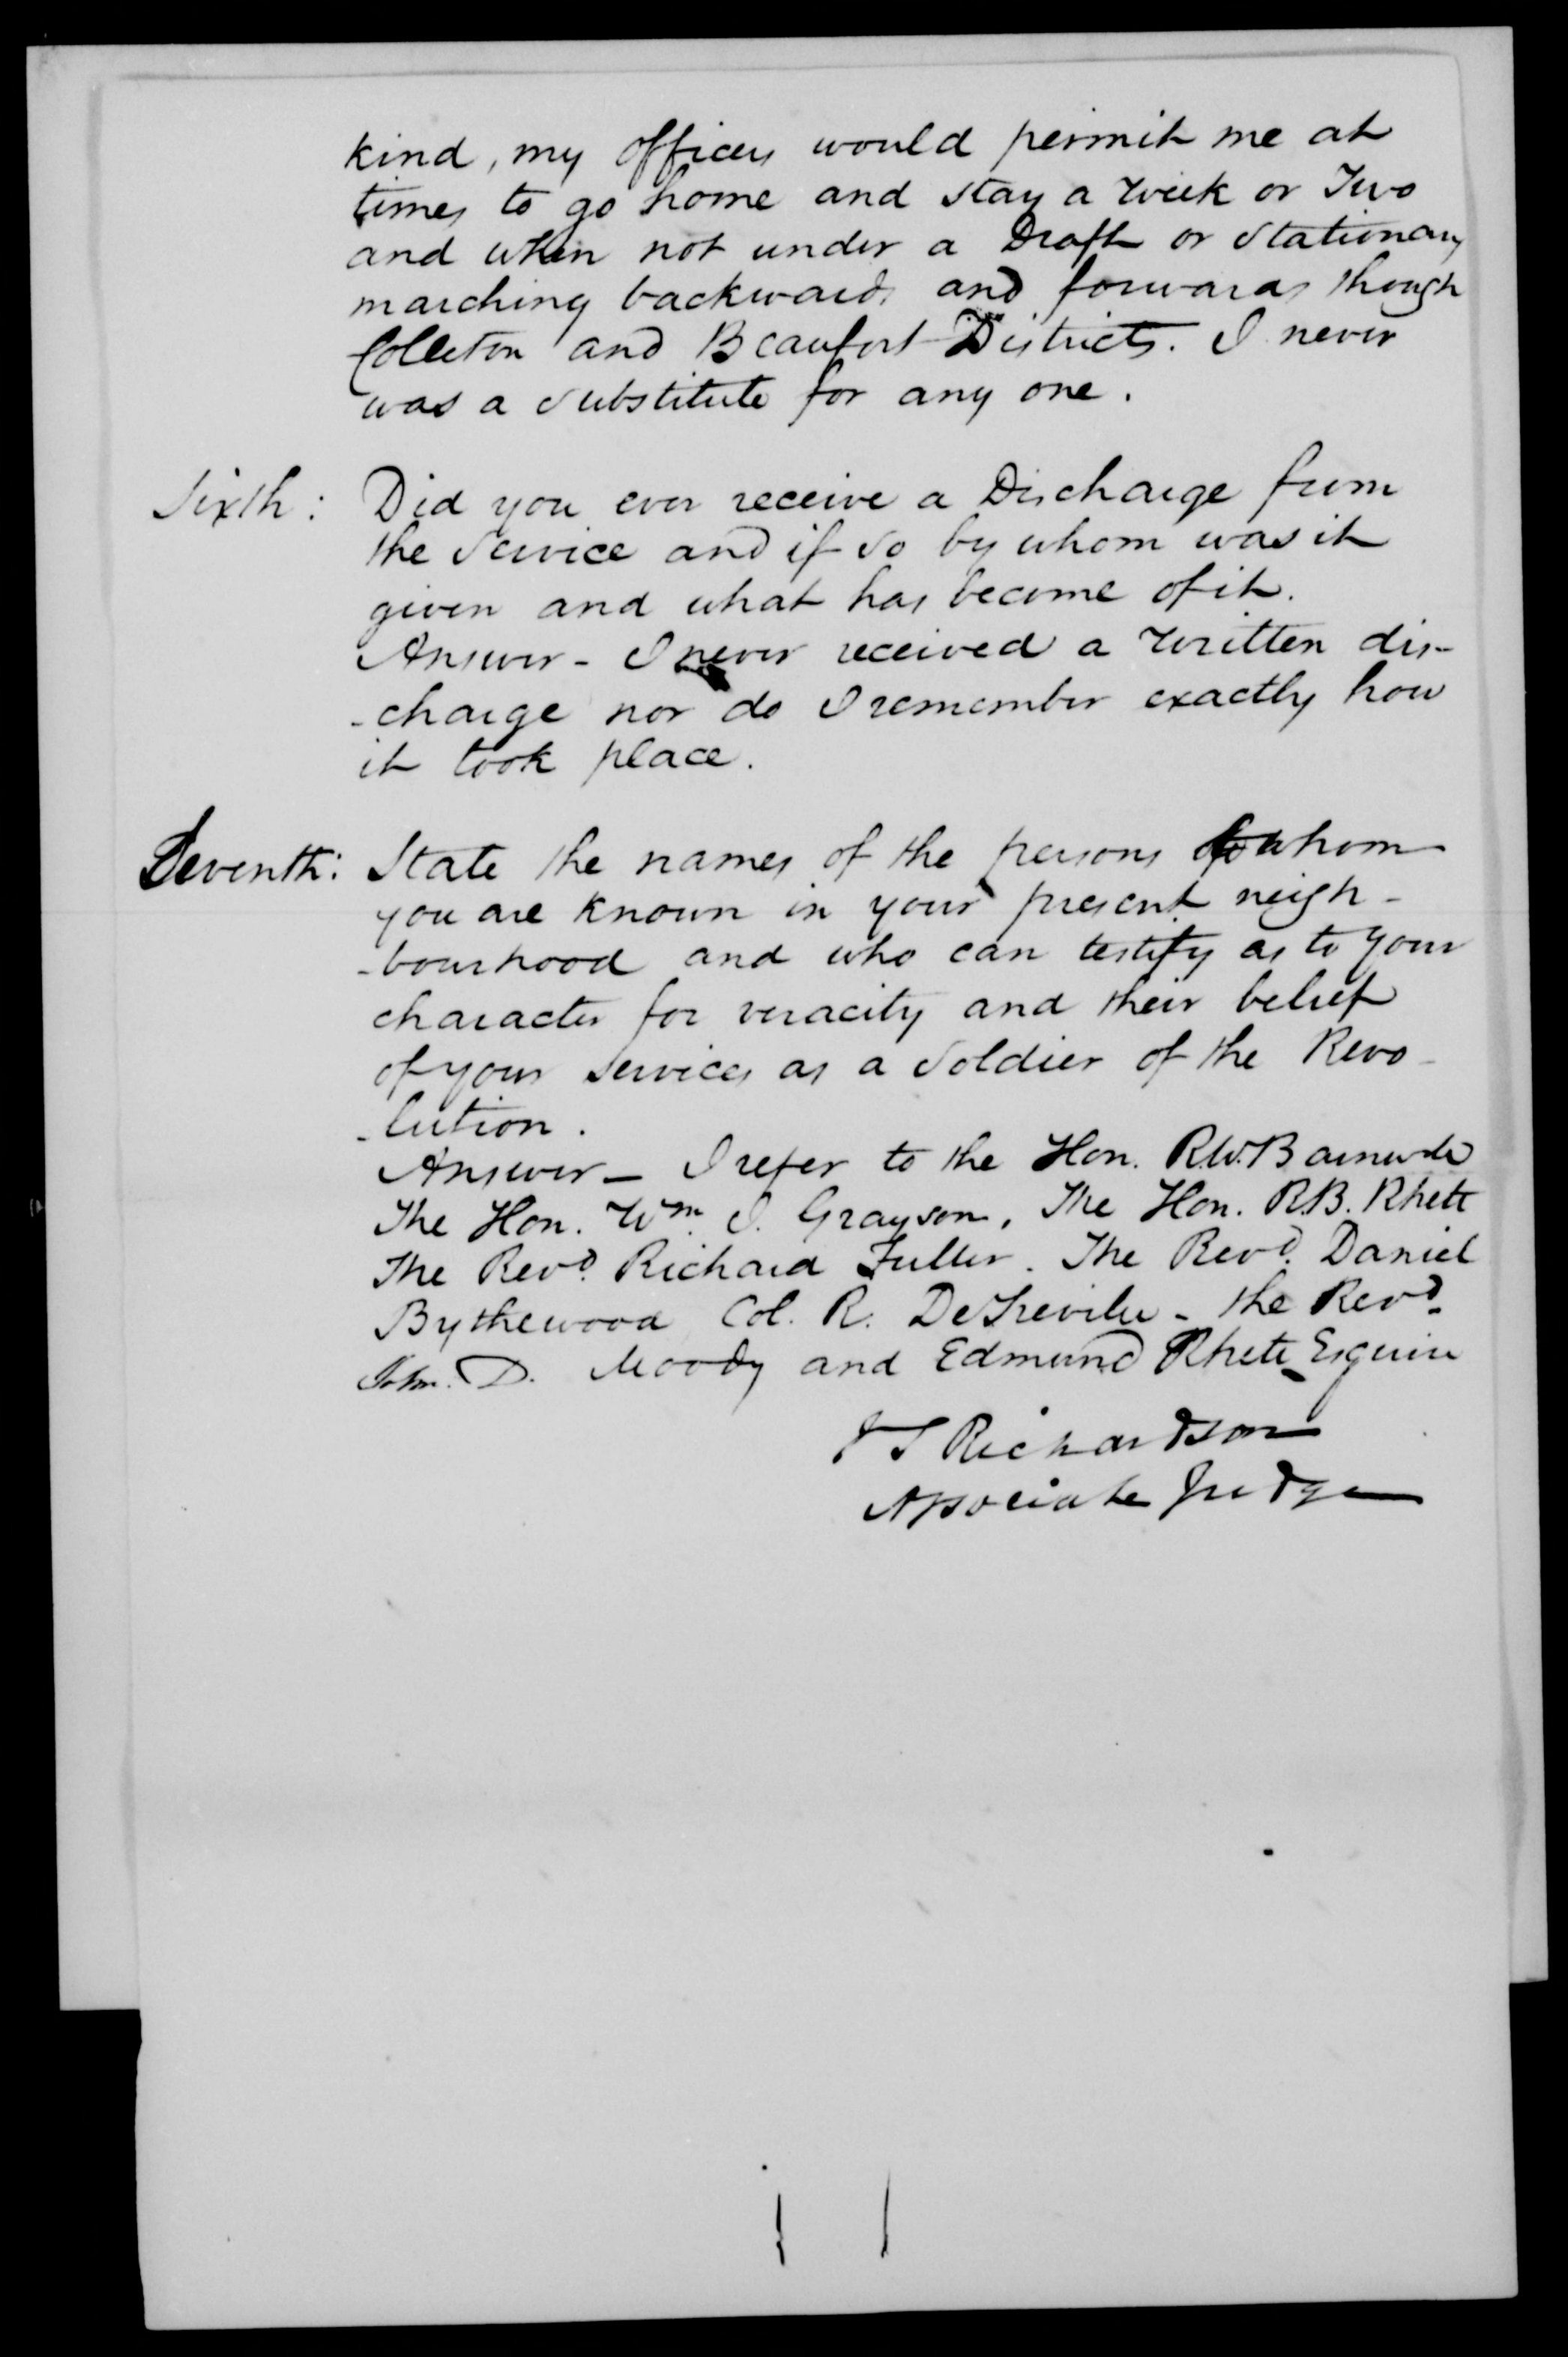kind, my officers would permit me at times to go home and stay a week or two and when no under a Draft or stationary marching backward and forward through Colleton and Beaufort Districts. I never was a substitute for anyone. 
Sixth: Did you ever receive a Discharge from the service and if so by whom was it given and what has become of it?
Answer: I never received a written discharge nor do I remember exactly how it took place.
Seventh: State the names of the persons of whom you are now in your present neighborhood and who can testify as to your character for veracity and their belief of your services as a Soldier of the Revolution.
Answer: I refer to the Hon. R.W. Barnside, the Hon. Wm. I. Grayson, the Hon. R.B. Rhett, the Revd. Richard Fuller, the Revd. Daniel Bythewood, Col. R. DeTreville, the Revd. John D. Moody and Edmund Rhett Esquire. 
JL Richardson
Associate Judge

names: Edmund Rhett; R W Barnside; J L Richardson; Richard Fuller; John D Moody; R B Rhett; R De Trevilu; Daniel Bythewood; Wm I Grayson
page: 8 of 21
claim: rejected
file: R. 9875, for William Smith, South Carolina